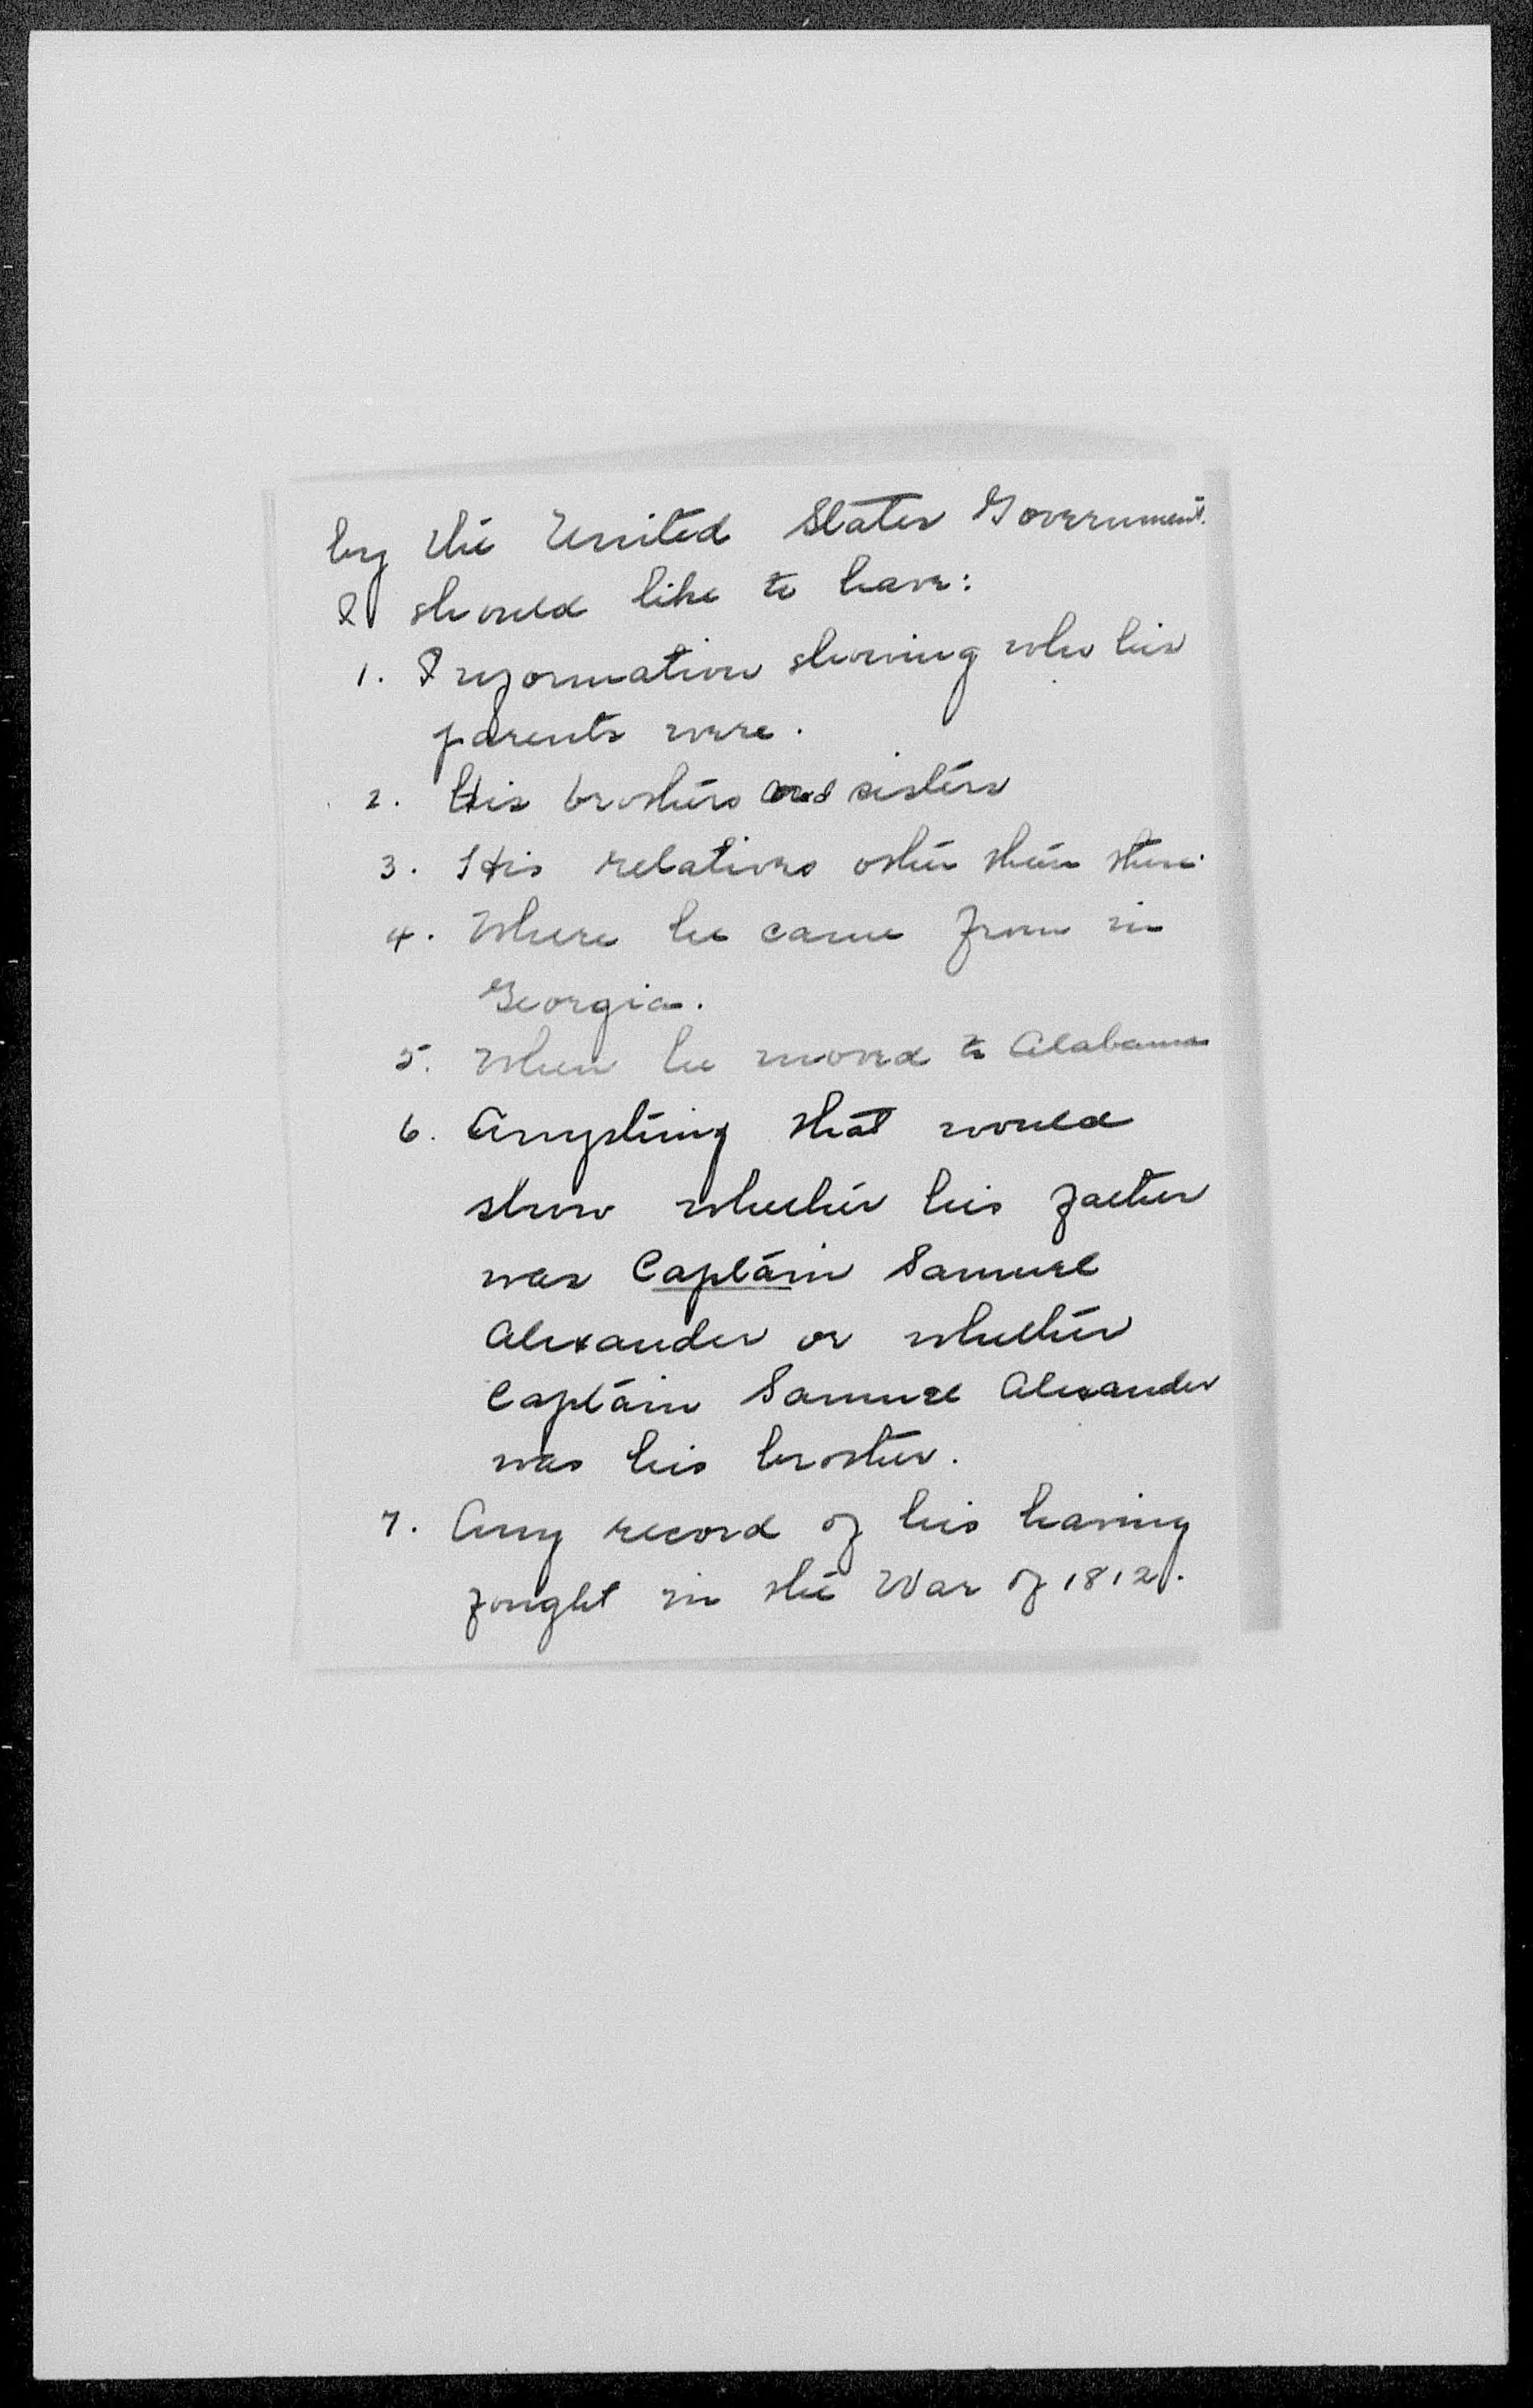by the United States Government
I should like to have:

1. Information showing who his parents were.

2. His brothers and sisters

3. His relatives other than this

4. Where he came from in Georgia.

5. When he moved to Alabama

6. Anything that would 
   show whether his father 
   was Captain Samuel 
   Alexander or whether 
   Captain Samuel Alexander 
   was his brother.

7.  Any record of his having 
     fought in the War of 1812.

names: Samuel Alexander, Samuel Alexander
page: 33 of 35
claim: survivor's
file: S. 32092, Asa Alexander, Ga.